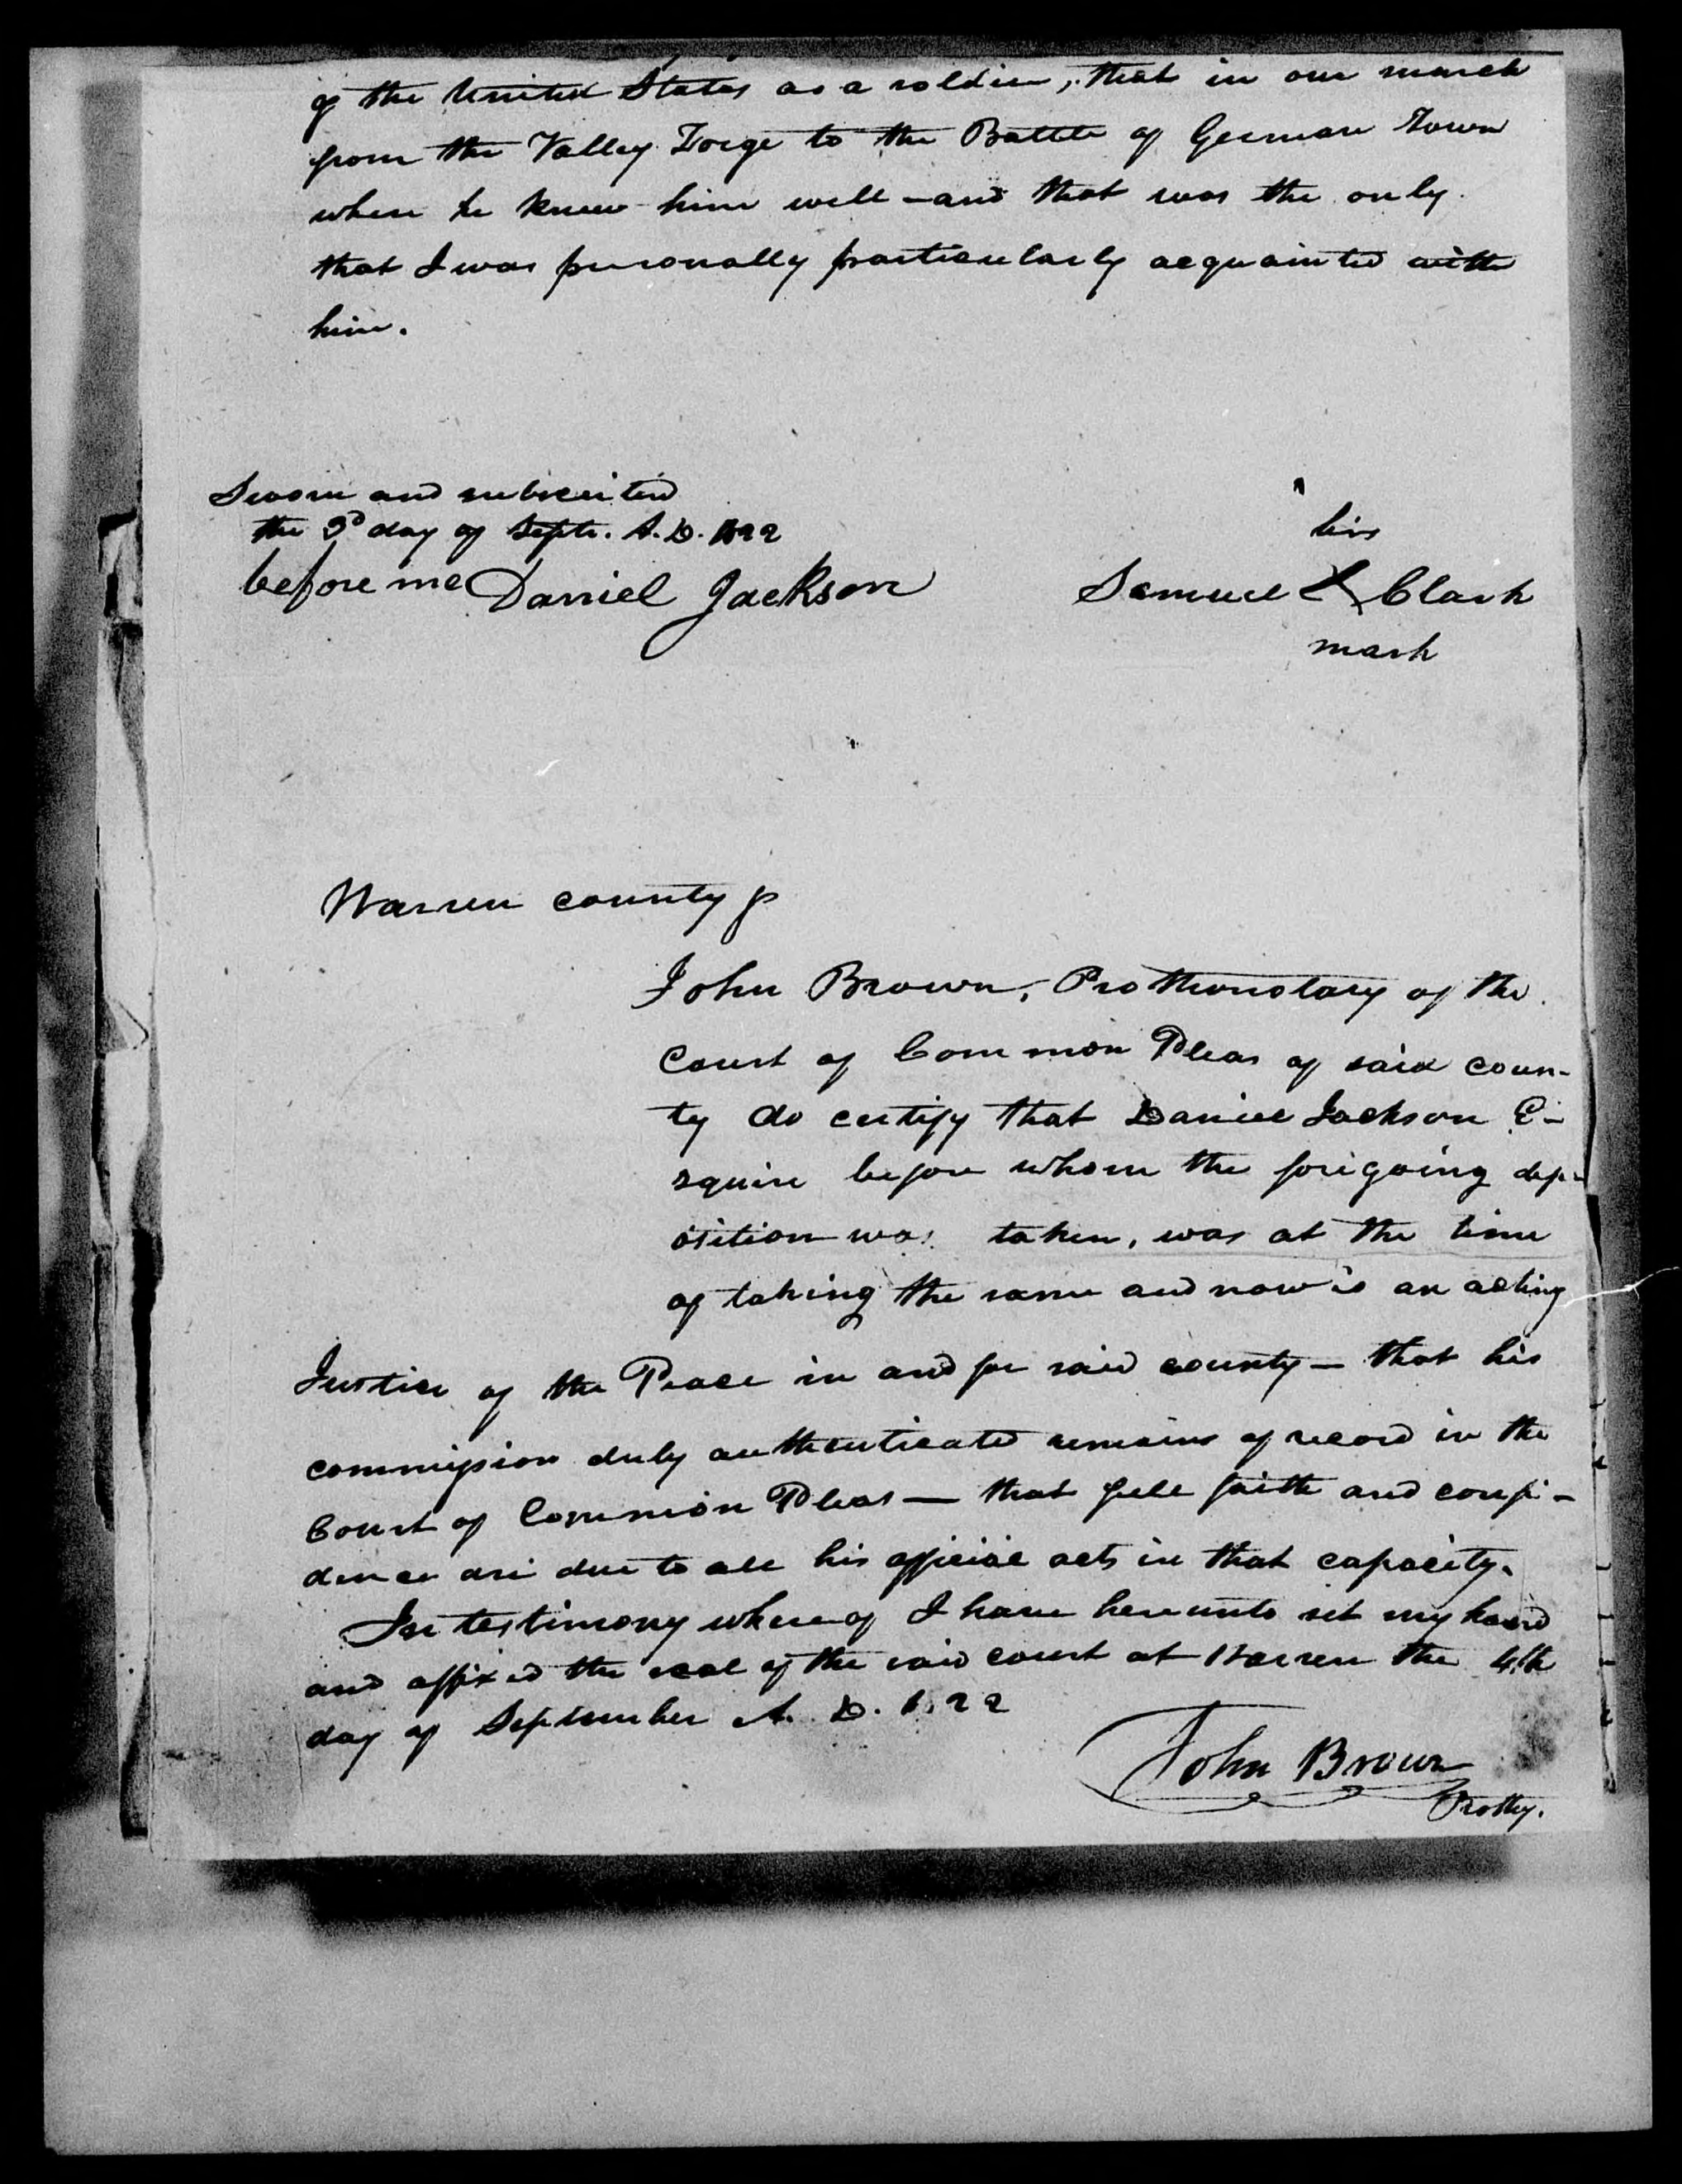of the United States as a soldier, that in our march from the Valley Forge to the Battle of German Town when he knew him well and that was the only that I was personally particularly acquainted with him.
Samuel{his mark} Clark

Sworn and subscribed the 3d day of Sept. A.D. before me Daniel Jackson

Warren County ss 
John Brown, Prothonotary of the Court of Common Pleas of said county do certify that Daniel Jackson esquire before whom the foregoing deposition was taken, was at the time of taking the same and now is an acting Justice of the Peace in and for said county-- that his commission duly authenticated remains of record in the Court of Common Pleas - that full faith and confidence are due to all his official acts in that capacity. 

In testimony whereof I have hereunto set my hand and affixed the seal of the said Court at Warren the 4th day of September A.D. 1822
John Brown Prothy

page: 43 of 77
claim: widow's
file: W 2954, for James Mc Gee, Delaware